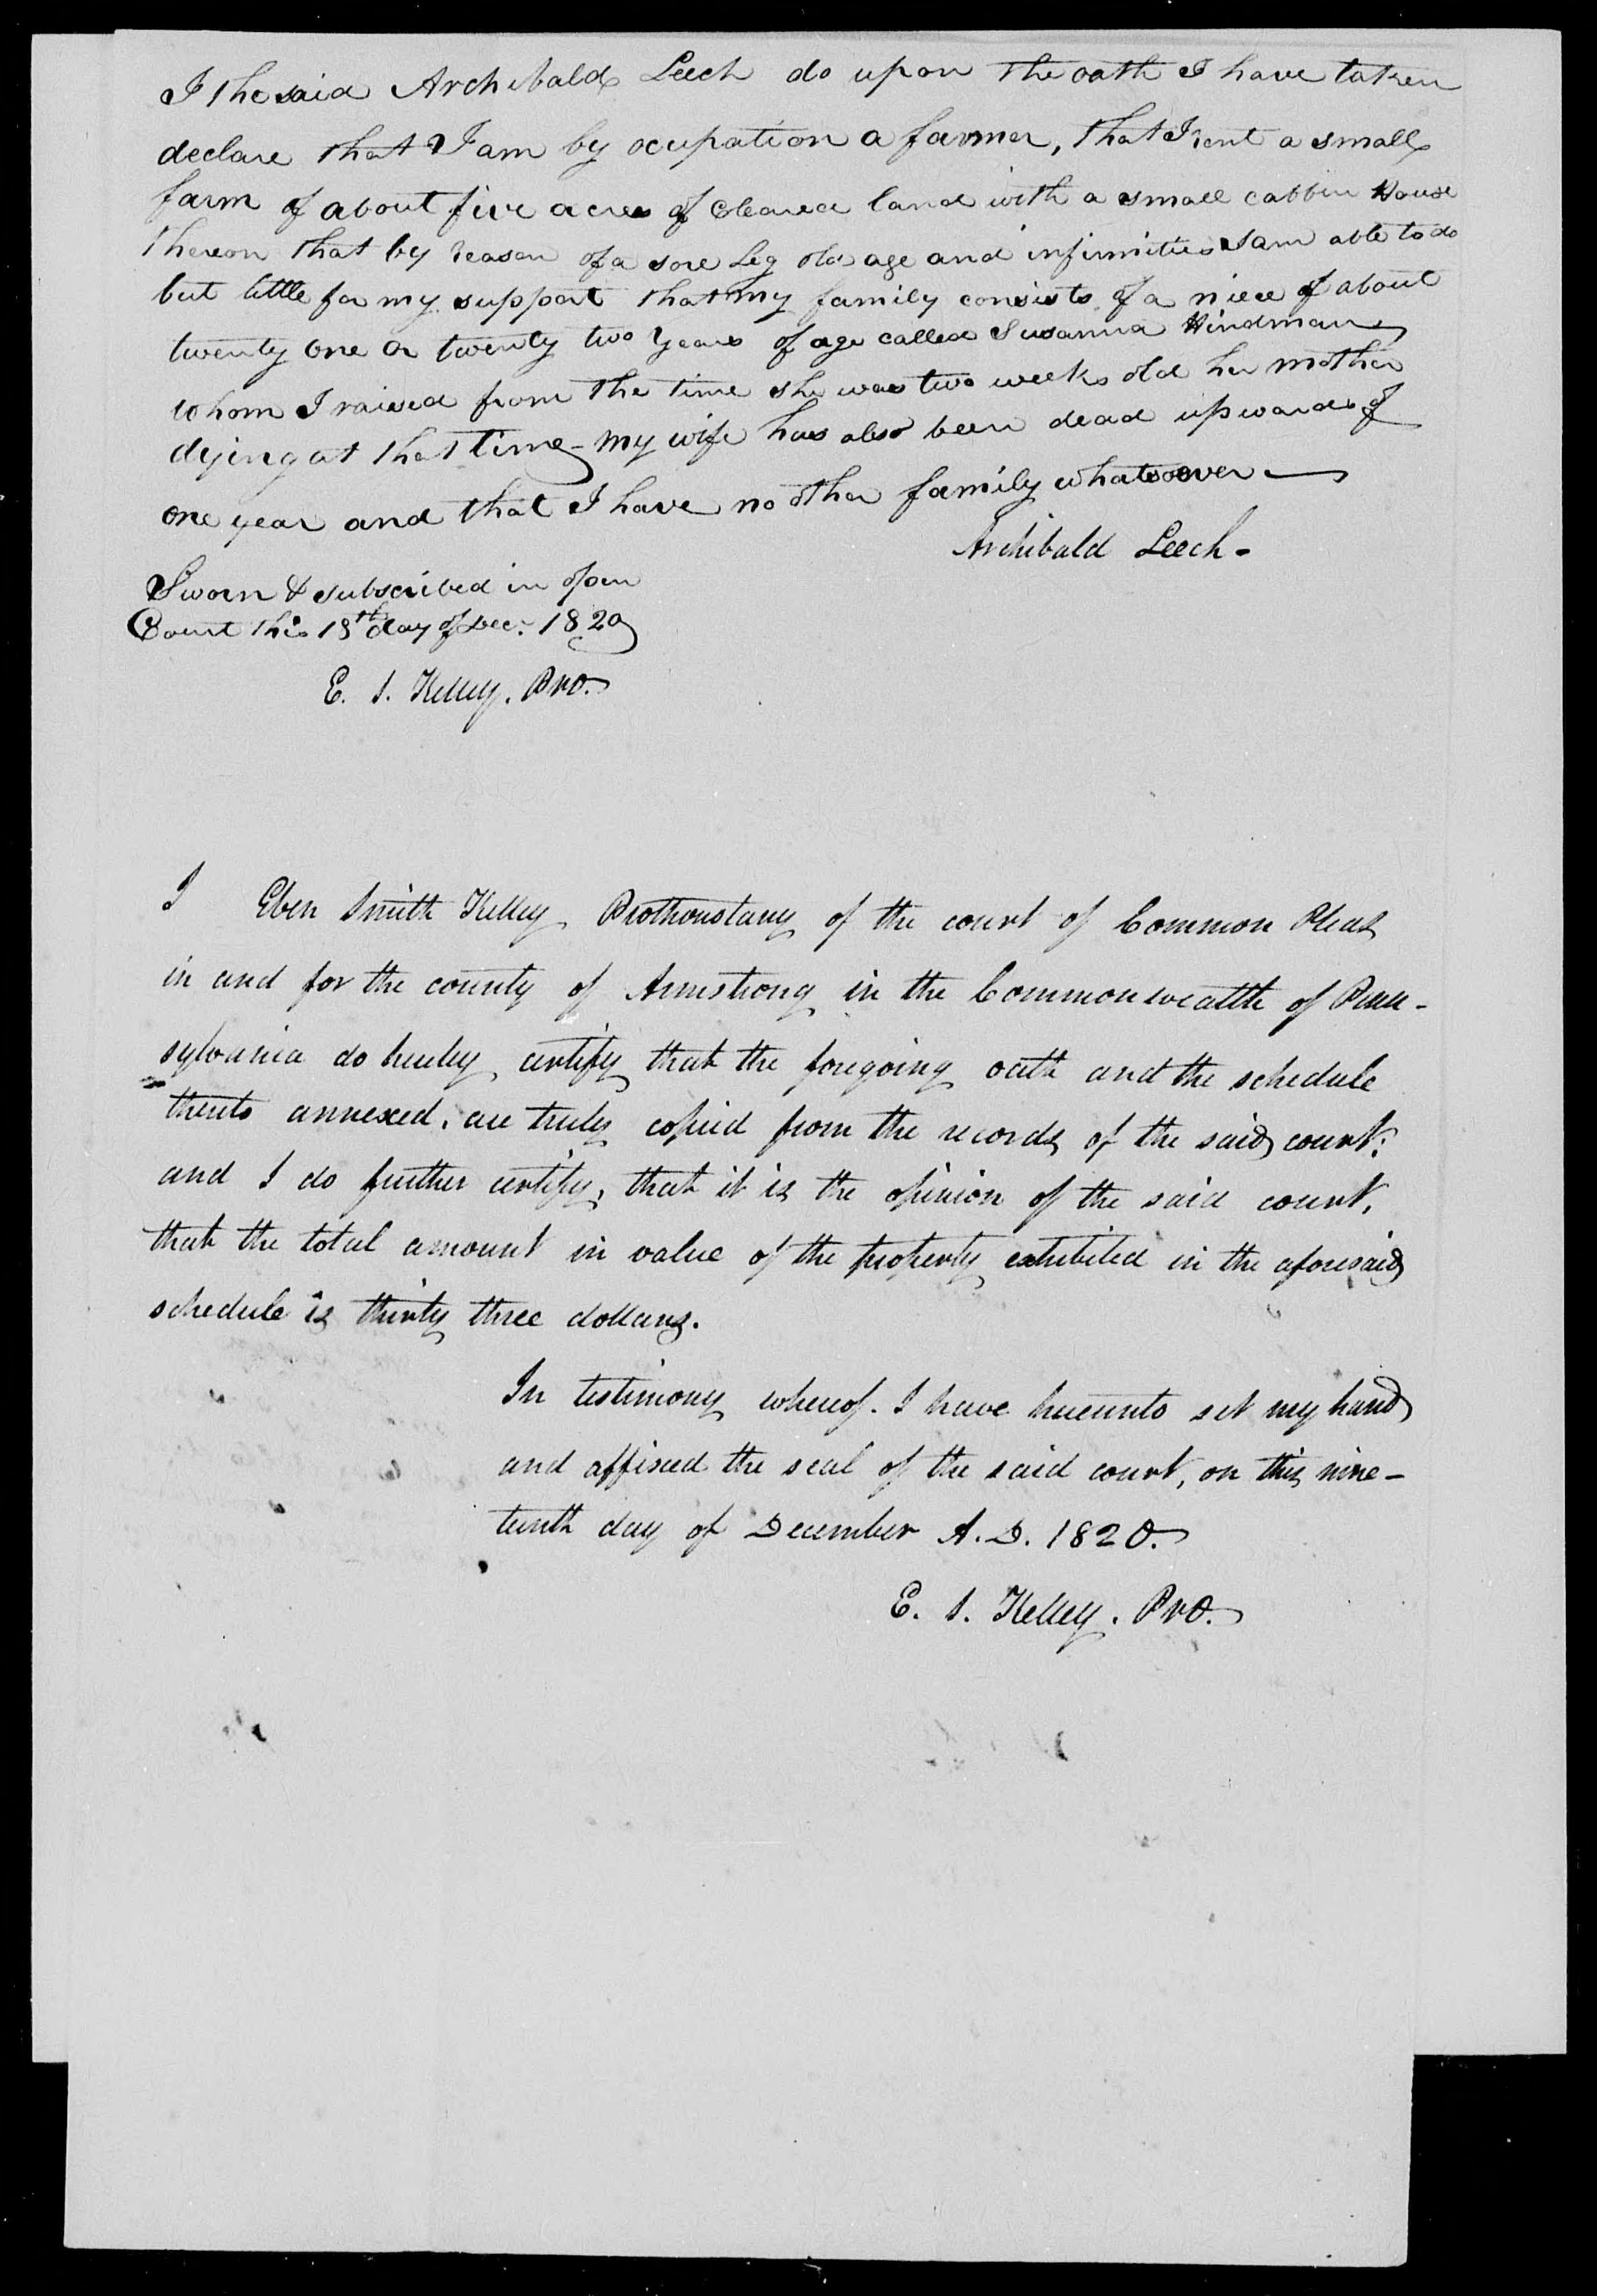I, the said Archibald Leech, do upon the Oath I have taken, declare that I am by occupation a farmer, that I rent a small farm of about five acres of cleared land with a small cabin house thereon that by reason of a sore leg, old age and infirmities, I am able to do but little for my support. That my family consists of a niece of about twenty-one or twenty-two years of age called Susanna Hindman, whom I raised from the time she was two weeks old, her mother dying at that time. My wife has also been dead upwards of one year and that I have no other family whatsoever.
Archibald Leech
Sworn and subscribed in open Court this 18th day of Dec. 1820
E. J. Kelley. Prothonotary
I, Eben Smith Kelley, Prothonotary of the Court of Common Pleas in and for the County of Armstrong in the Commonwealth of Pennsylvania, do hereby certify that the foregoing oath and the schedule thereto annexed, are truly copied from the records of the said court and I do further certify, that it is the opinion of the said court, that the total amount in value of the property exhibited in the aforesaid schedule is thirty three dollars.
In testimony whereof, I have hereunto set my hand and affixed the seal of the said court, on this nineteenth day of December A.D. 1820.
E. S. Kelley, Prothonotary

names: E S Kelley; Archibald Leech; Susanna Hindman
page: 10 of 20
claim: survivor's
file: S. 40,935, for Archibald Leech, Pennsylvania